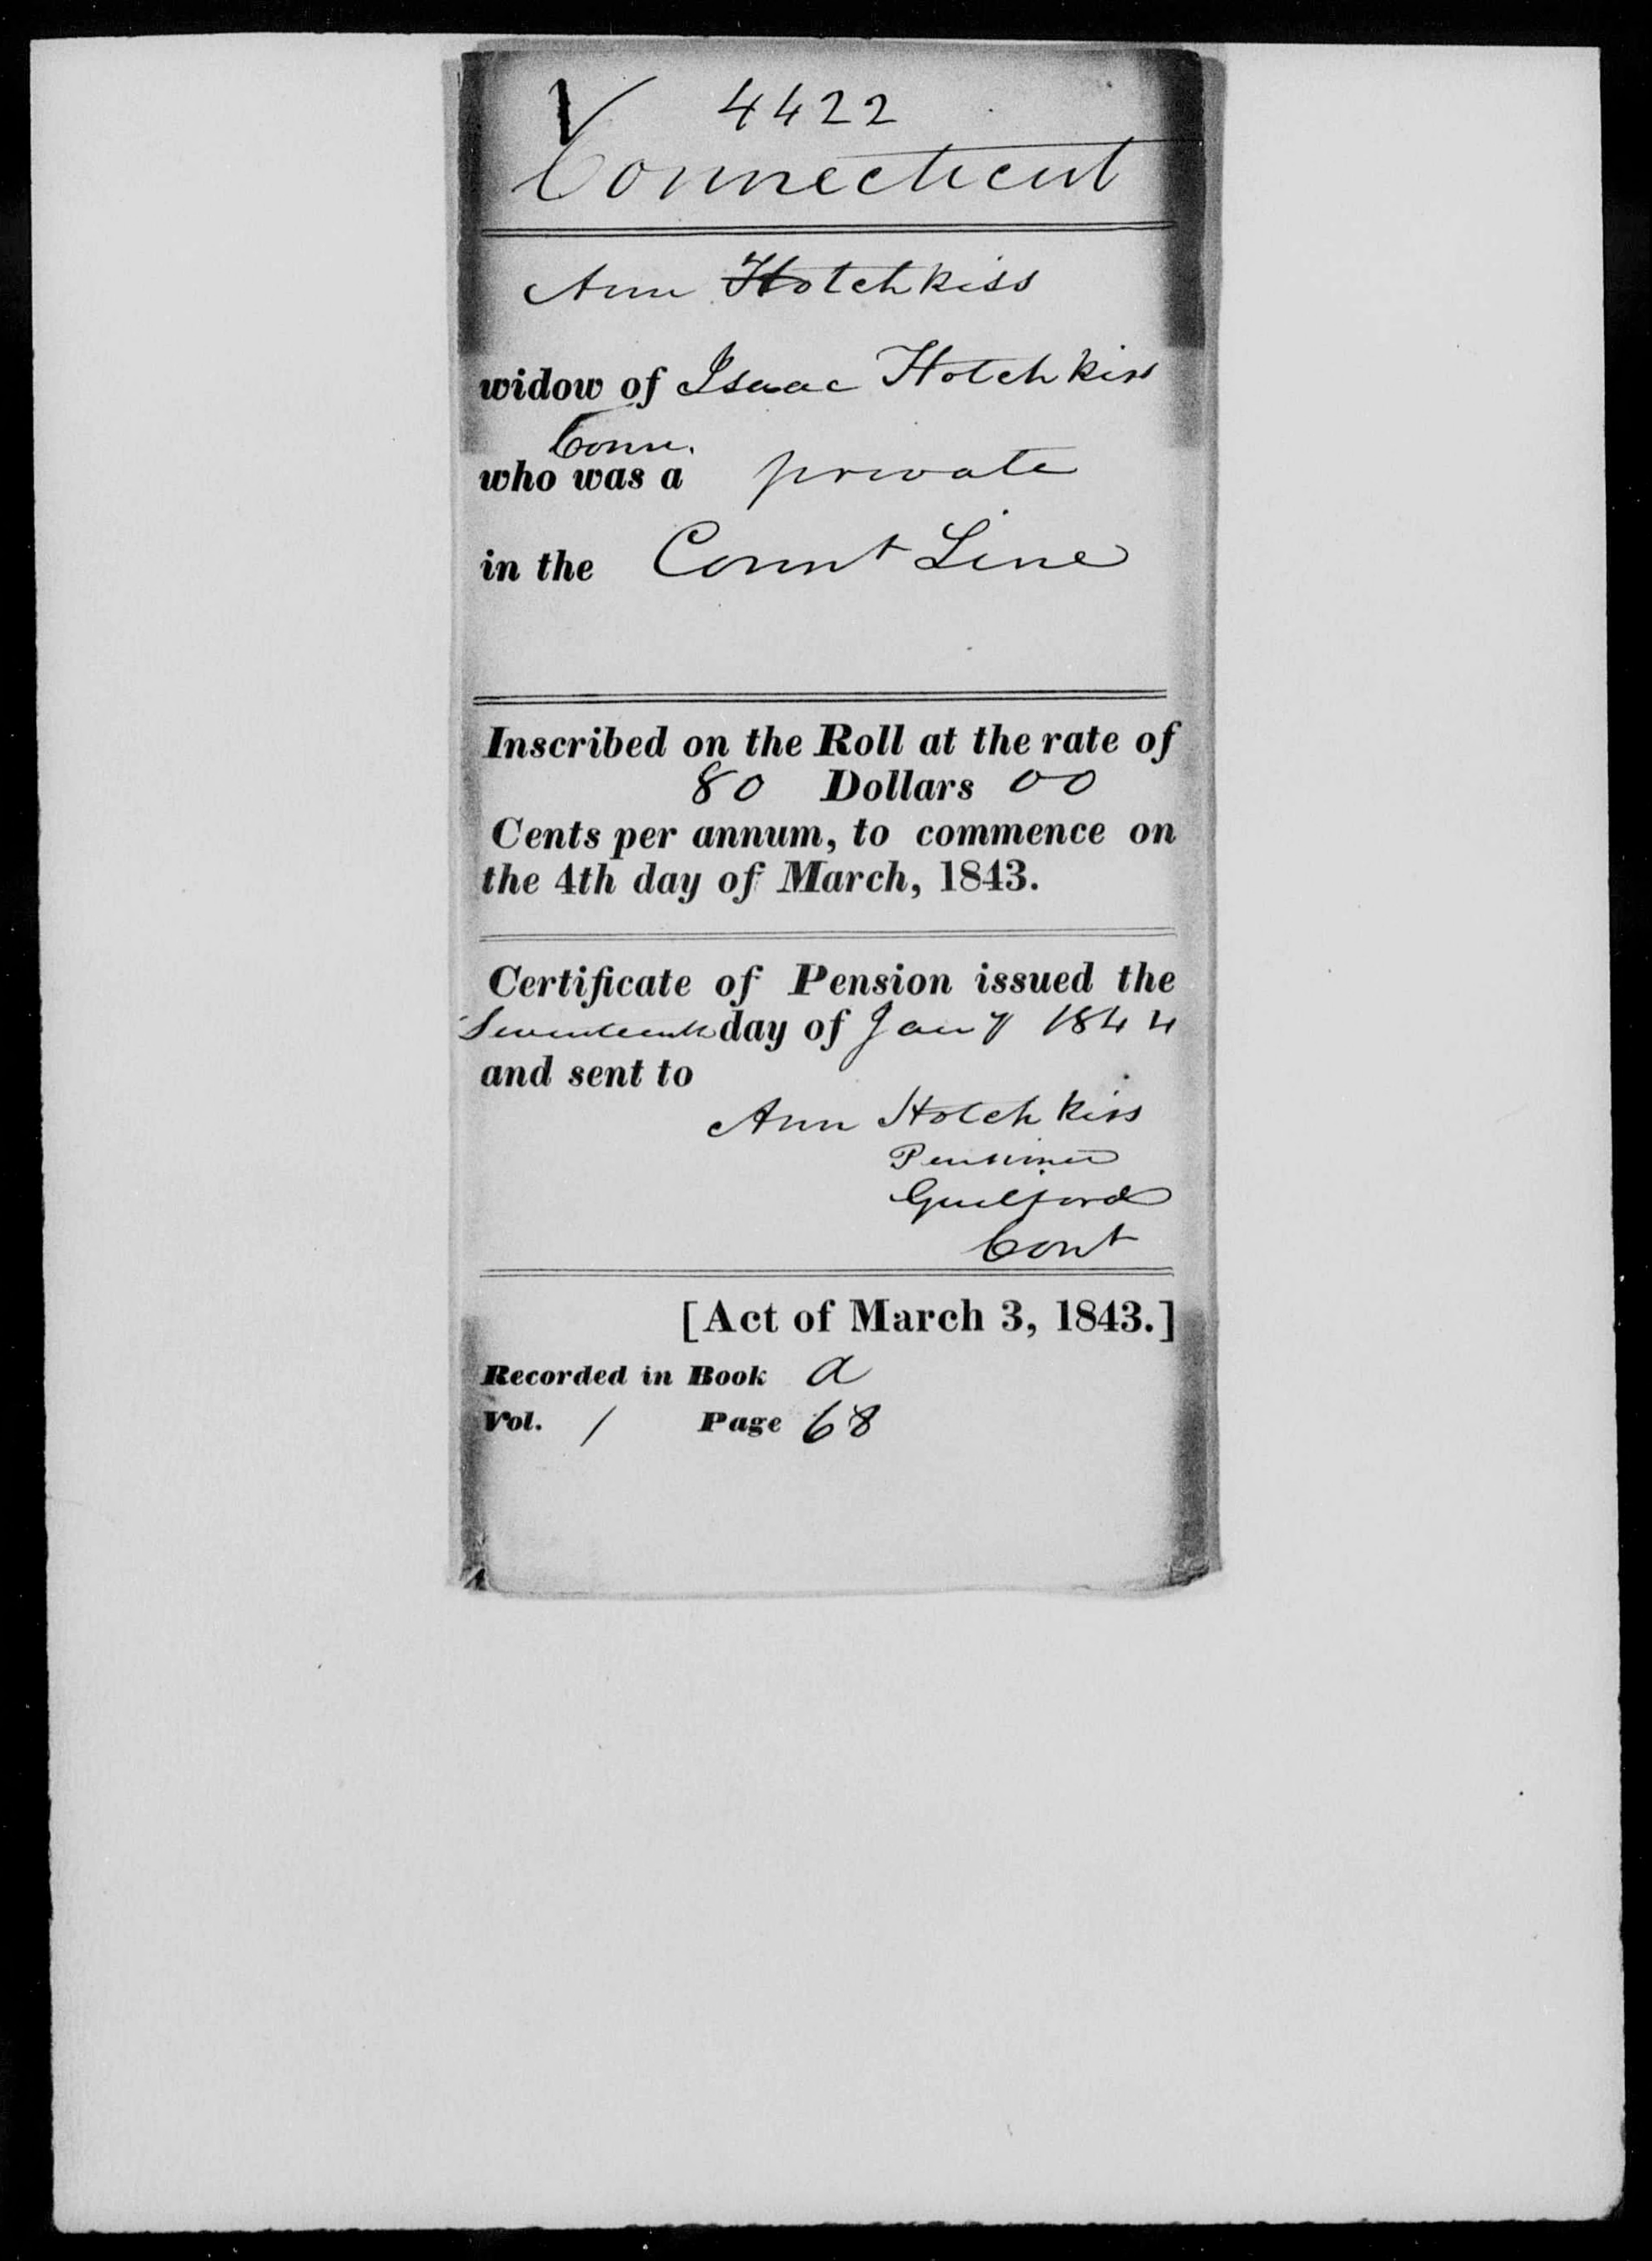4422
Connecticut
________________
--------------------------
Ann Hotchkiss
widow of  Isaac Hotchkiss Conn.
who was a  private
in the  Connt Line
_______________________
--------------------------------------
Inscribed on the Roll at the rate of 80 Dollars 00 Cents per annum, to commence on the 4th day of March, 1843.
_______________________
--------------------------------------
Certificate of Pension issued the Seventeenth day of Jan 1844 and sent to 
Ann Hotchkiss
Pensioner
Guiljard
Cont
_______________________
--------------------------------------
[Act of March 3, 1843.]
Recorded in Book A
Vol.  /  Page 68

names: Ann Hotchkiss, Isaac Hotchkiss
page: 3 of 25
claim: widow's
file: W. 18,021, Isaac Hotchkiss, Conn.